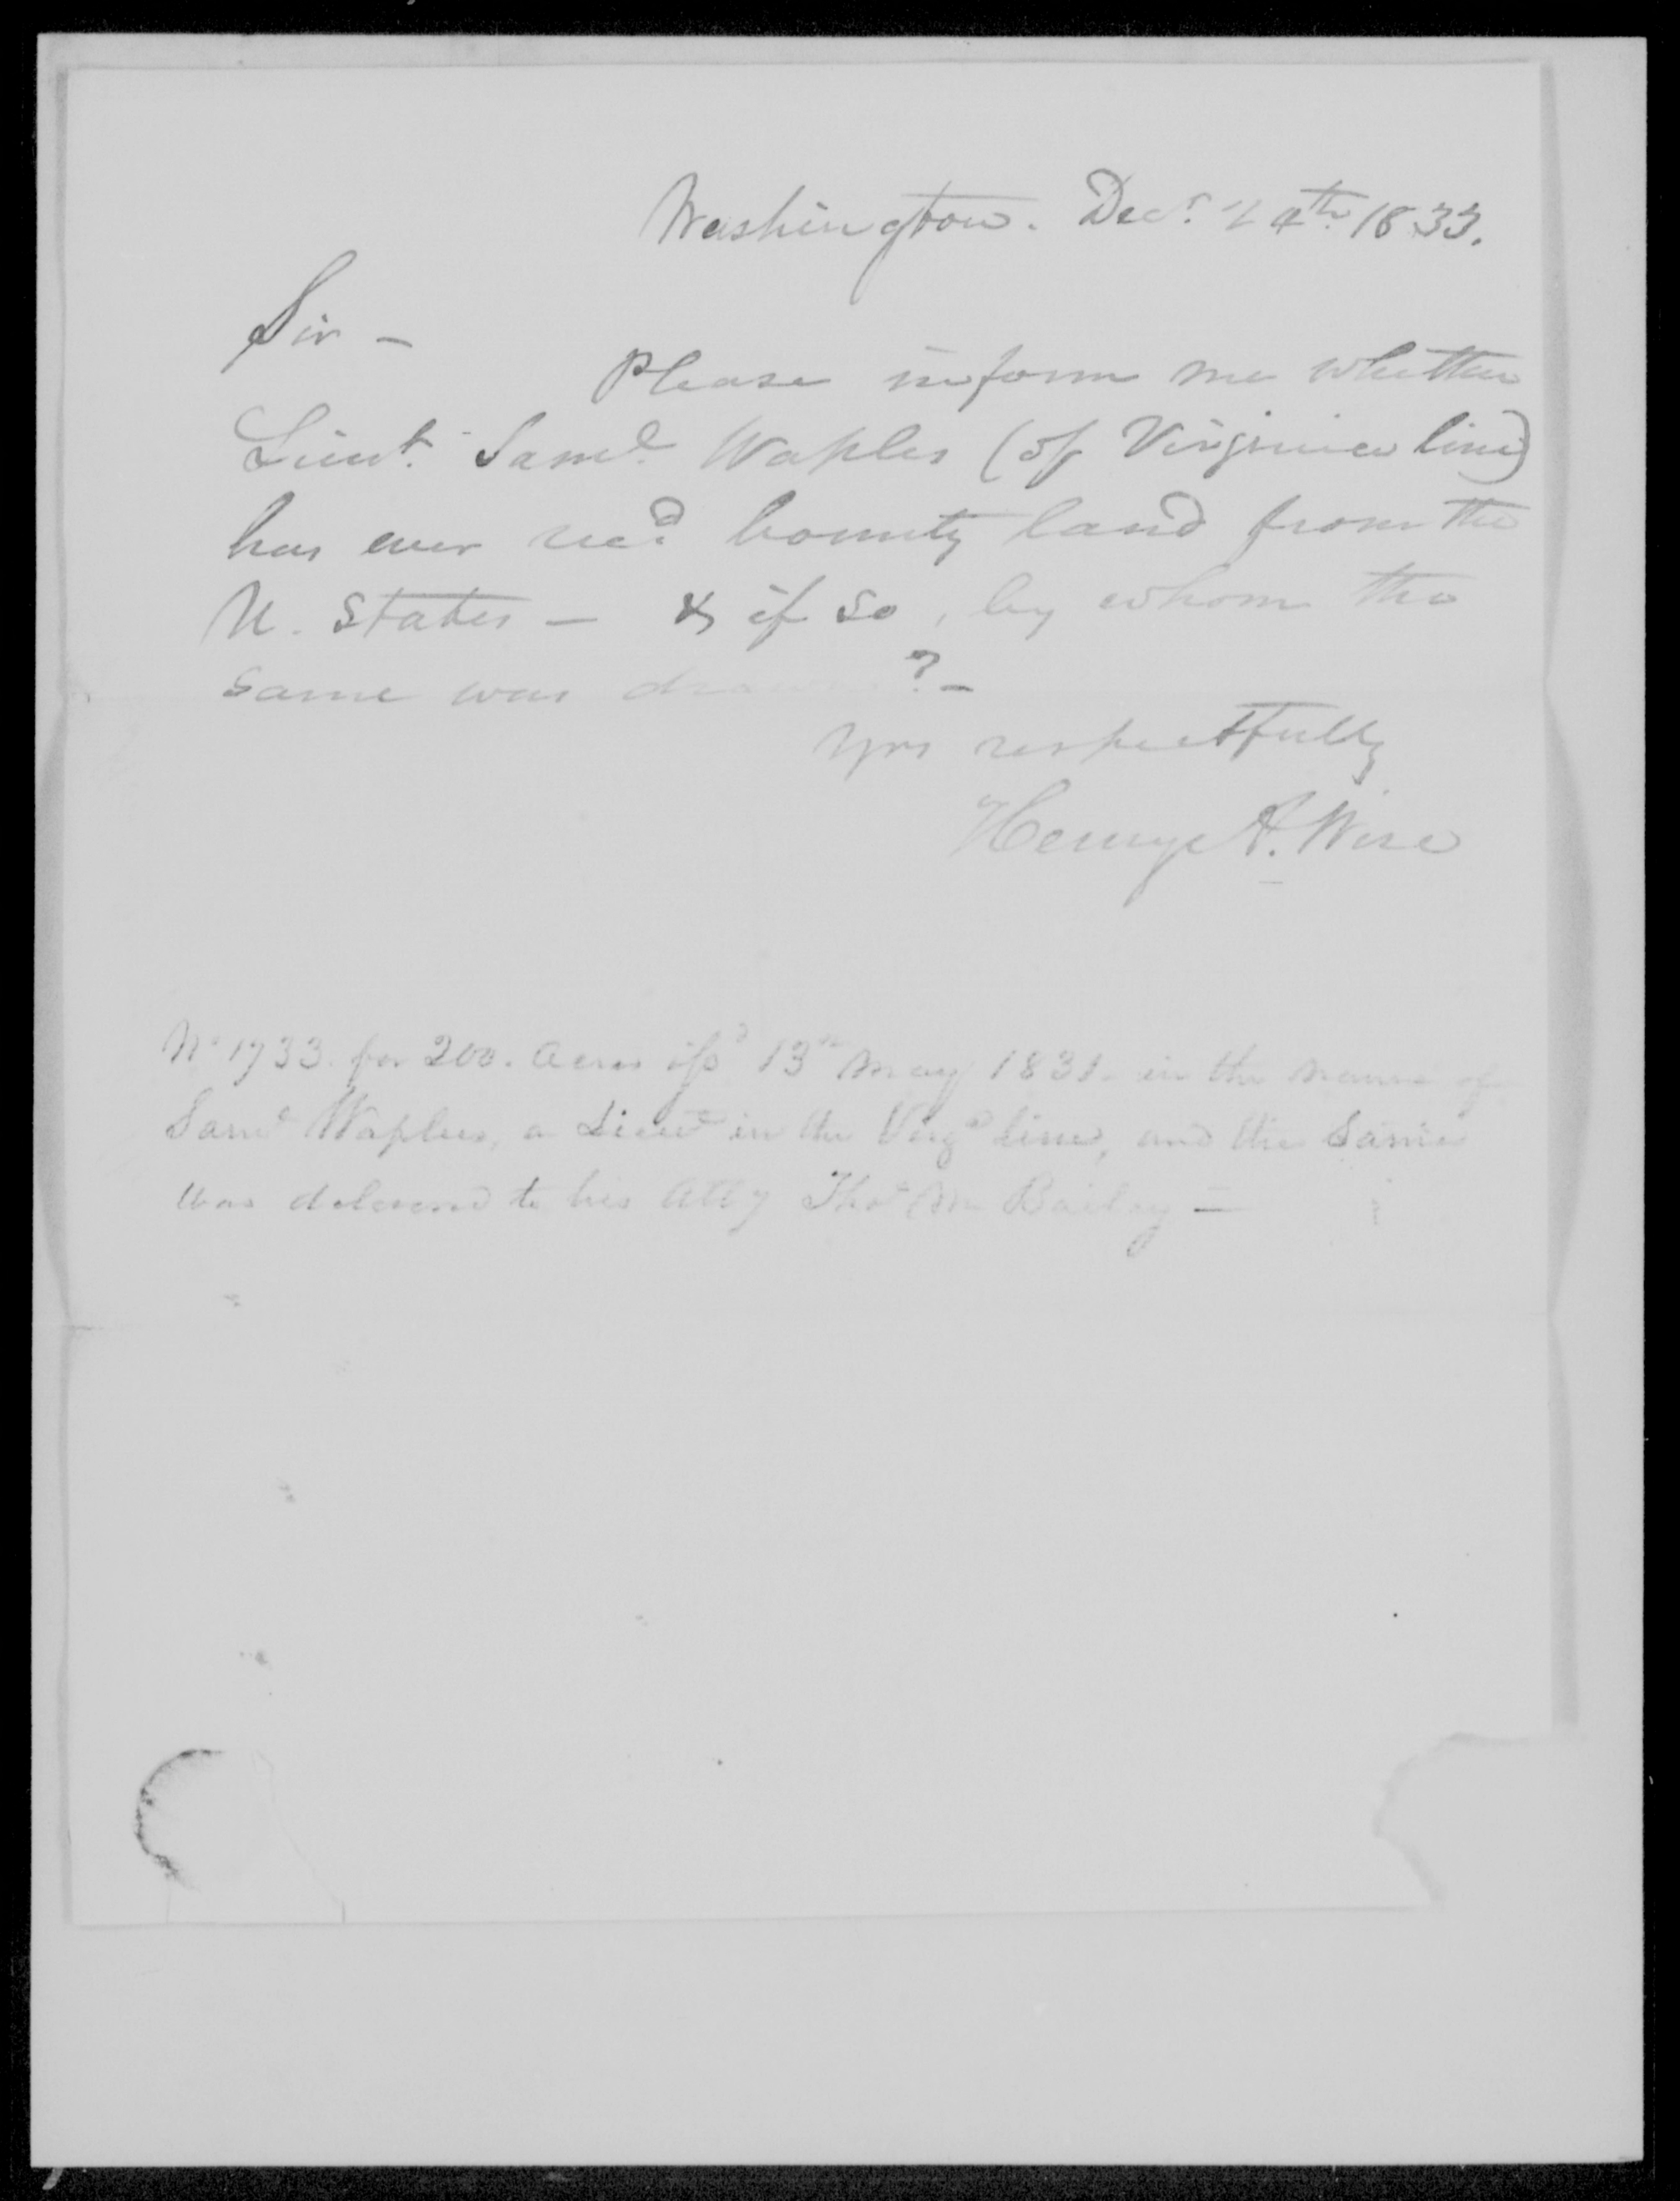Washington. Decr. 24th. 1833.
Sir –
Please inform me whether Lieut. Samel. Waples (of Virginia line) has ever rec'd bounty land from the U. States - & if so, by whom the same was drawn?
Yrs respectfully
Henry A. Wise

No. 1733 for 200. acres afsd 13th May 1831 in the name of Saml Waples a Lieut in the Virg'a line, and the Same was delivered to his atty Thos M. Bailey -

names: Thos M Bailey, Saml Waples, Saml Waples, Henry A Wise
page: 13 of 59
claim: widow's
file: W. 6427, Samuel Waples, Va.